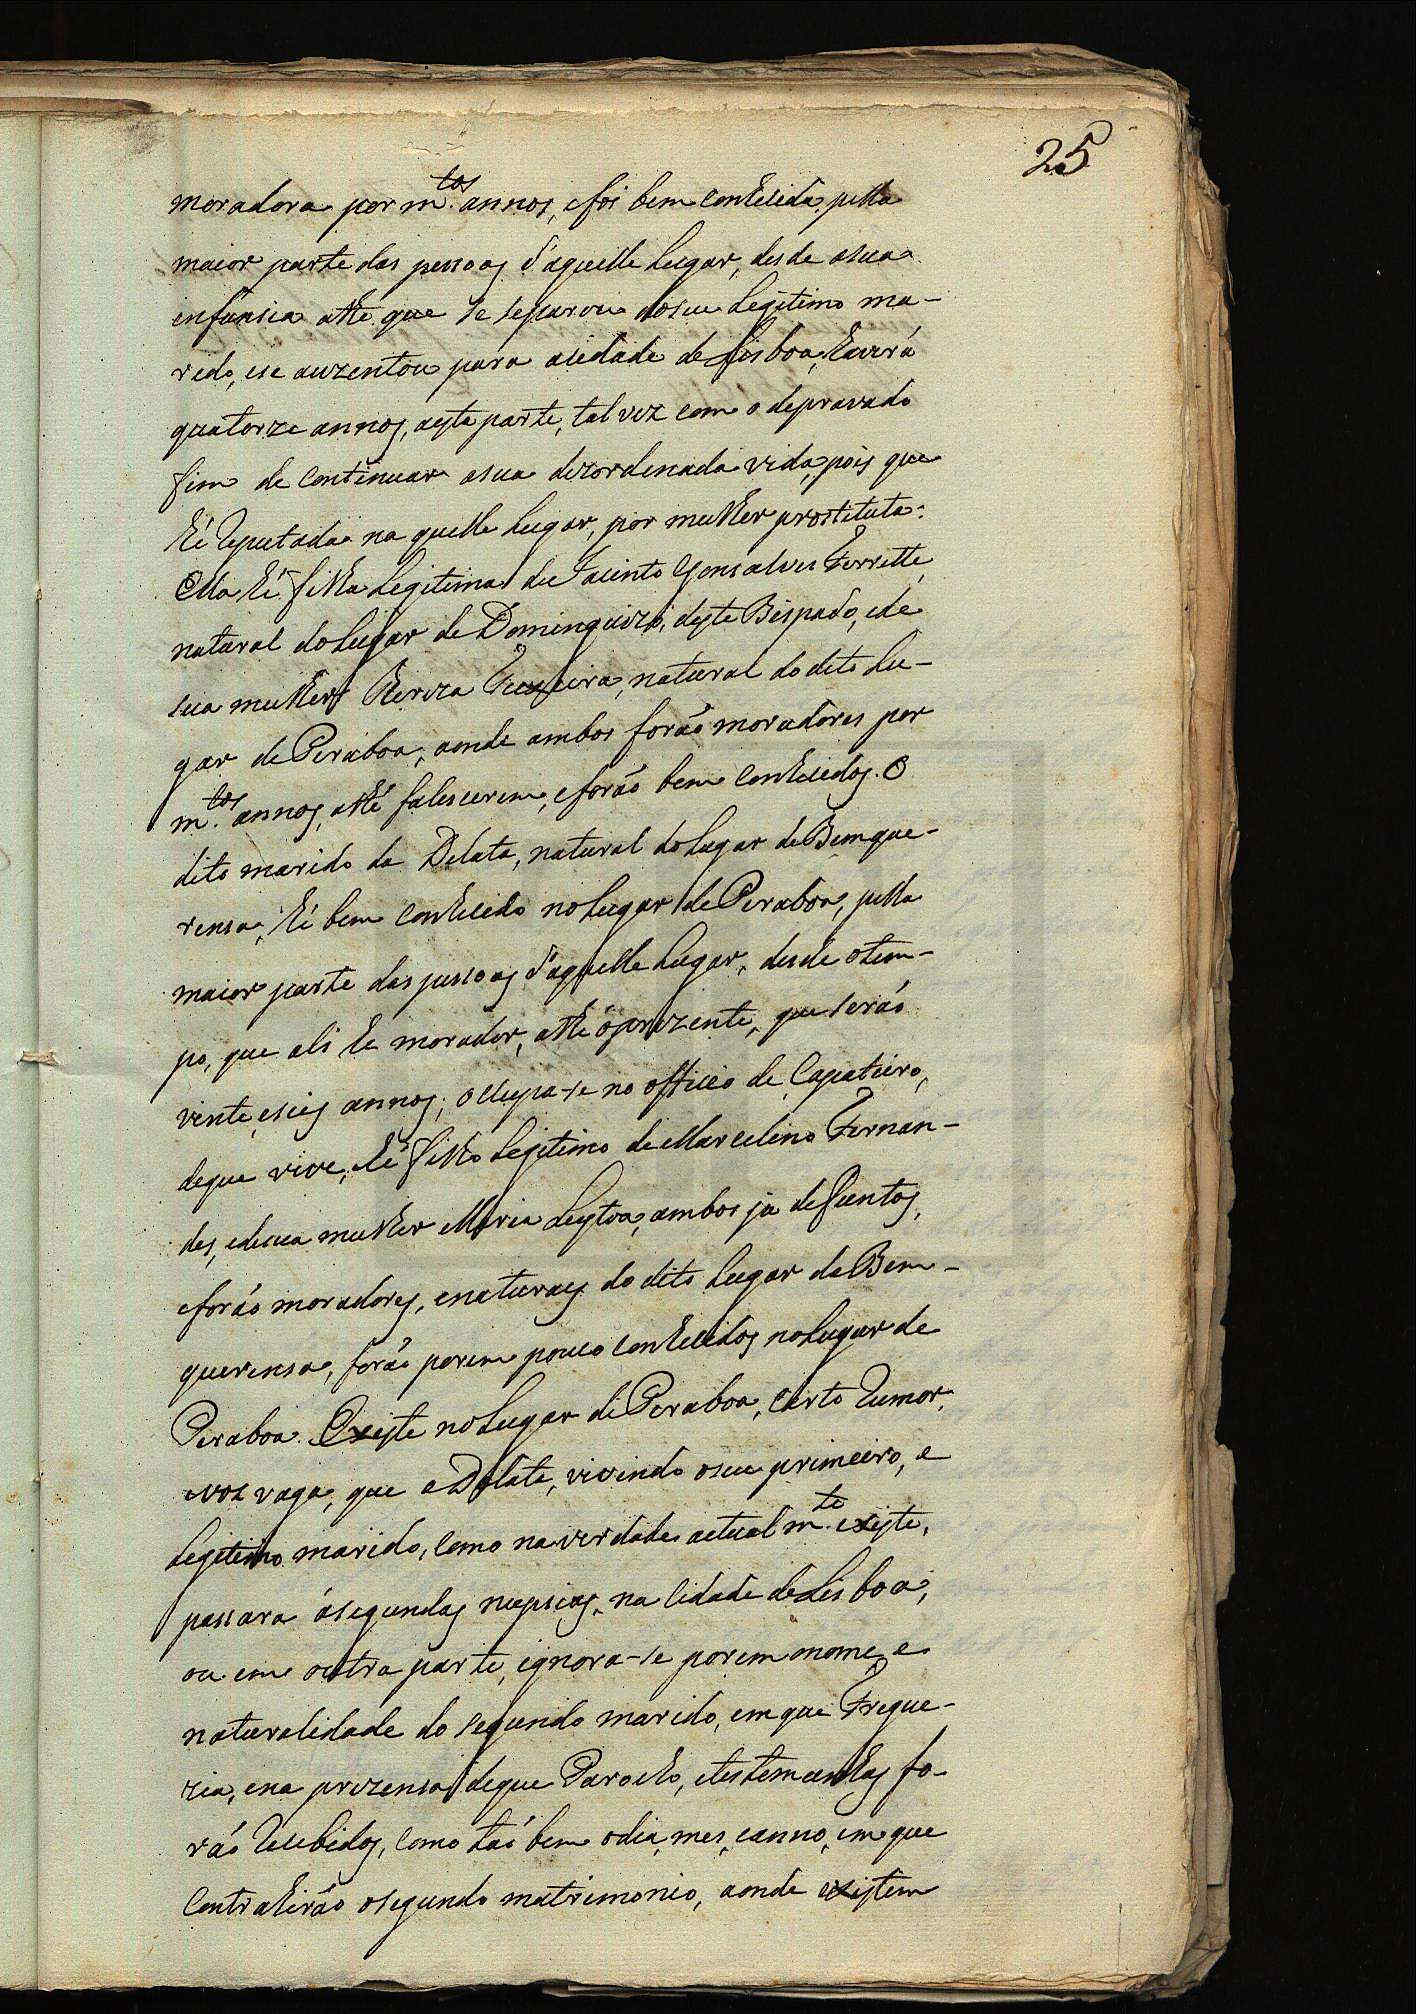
moradora por mtos. annos, e foi bem conhecida pella
maior parte das pessoas d'aquelle Lugar, desde a sua
infansia athe que se separou do seu Legitimo ma
rido, e se auzentou para a cidade de Lisboa, haverá
quatorze annos, a esta parte, talvez com o depravado
fim de continuar a sua dezordenada vida, pois que
hé Reputada naquelle Lugar, por mulher prostituta.
Ella hé filha Legitima de Iacinto Gonsalves Ferrette,
natural do Lugar de Dominguizo, deste Bispado, e de
sua mulher Thereza Teixeira, natural do dito Lu
gar de Peraboa, aonde ambos foraõ moradores por
m.tos annos athe falescerem, e foraõ bem conhecidos. O
dito marido da Delata, natural do Lugar de Bemque
rensa, hé bem conhecido no Lugar de Peraboa, pella
maior parte das pessoas d'aquelle Lugar, desde o tem
po, que ali he morador, athe o prezente, que seraõ
vinte, e seis annos; occupa-se no officio de Çapateiro,
de que vive, he filho Legitimo de Marcelino Fernan
des, e de sua mulher Maria Leytoa, ambos ja defuntos,
foraõ moradores, e naturaes do dito Lugar de Bem
querensa, foraõ porem pouco conhecidos no Lugar de
Peraboa. Existe no Lugar de Peraboa, certo Rumor,
e voz vaga, que a Delata, vivendo o seu primeiro, e
Legitimo marido, como na verdade actualmte. existe,
passara á segundas nupsias na cidade de Lisboa,
ou em outra parte, ignora-se porem o nome, e
naturalidade do segundo marido, em que Fregue
zia, e na prezensa de que parocho, testemunhas fo
raõ Recebidas, como taõ bem o dia, mes, e anno, em que
contrahiraõ o segundo matrimonio, aonde existem
